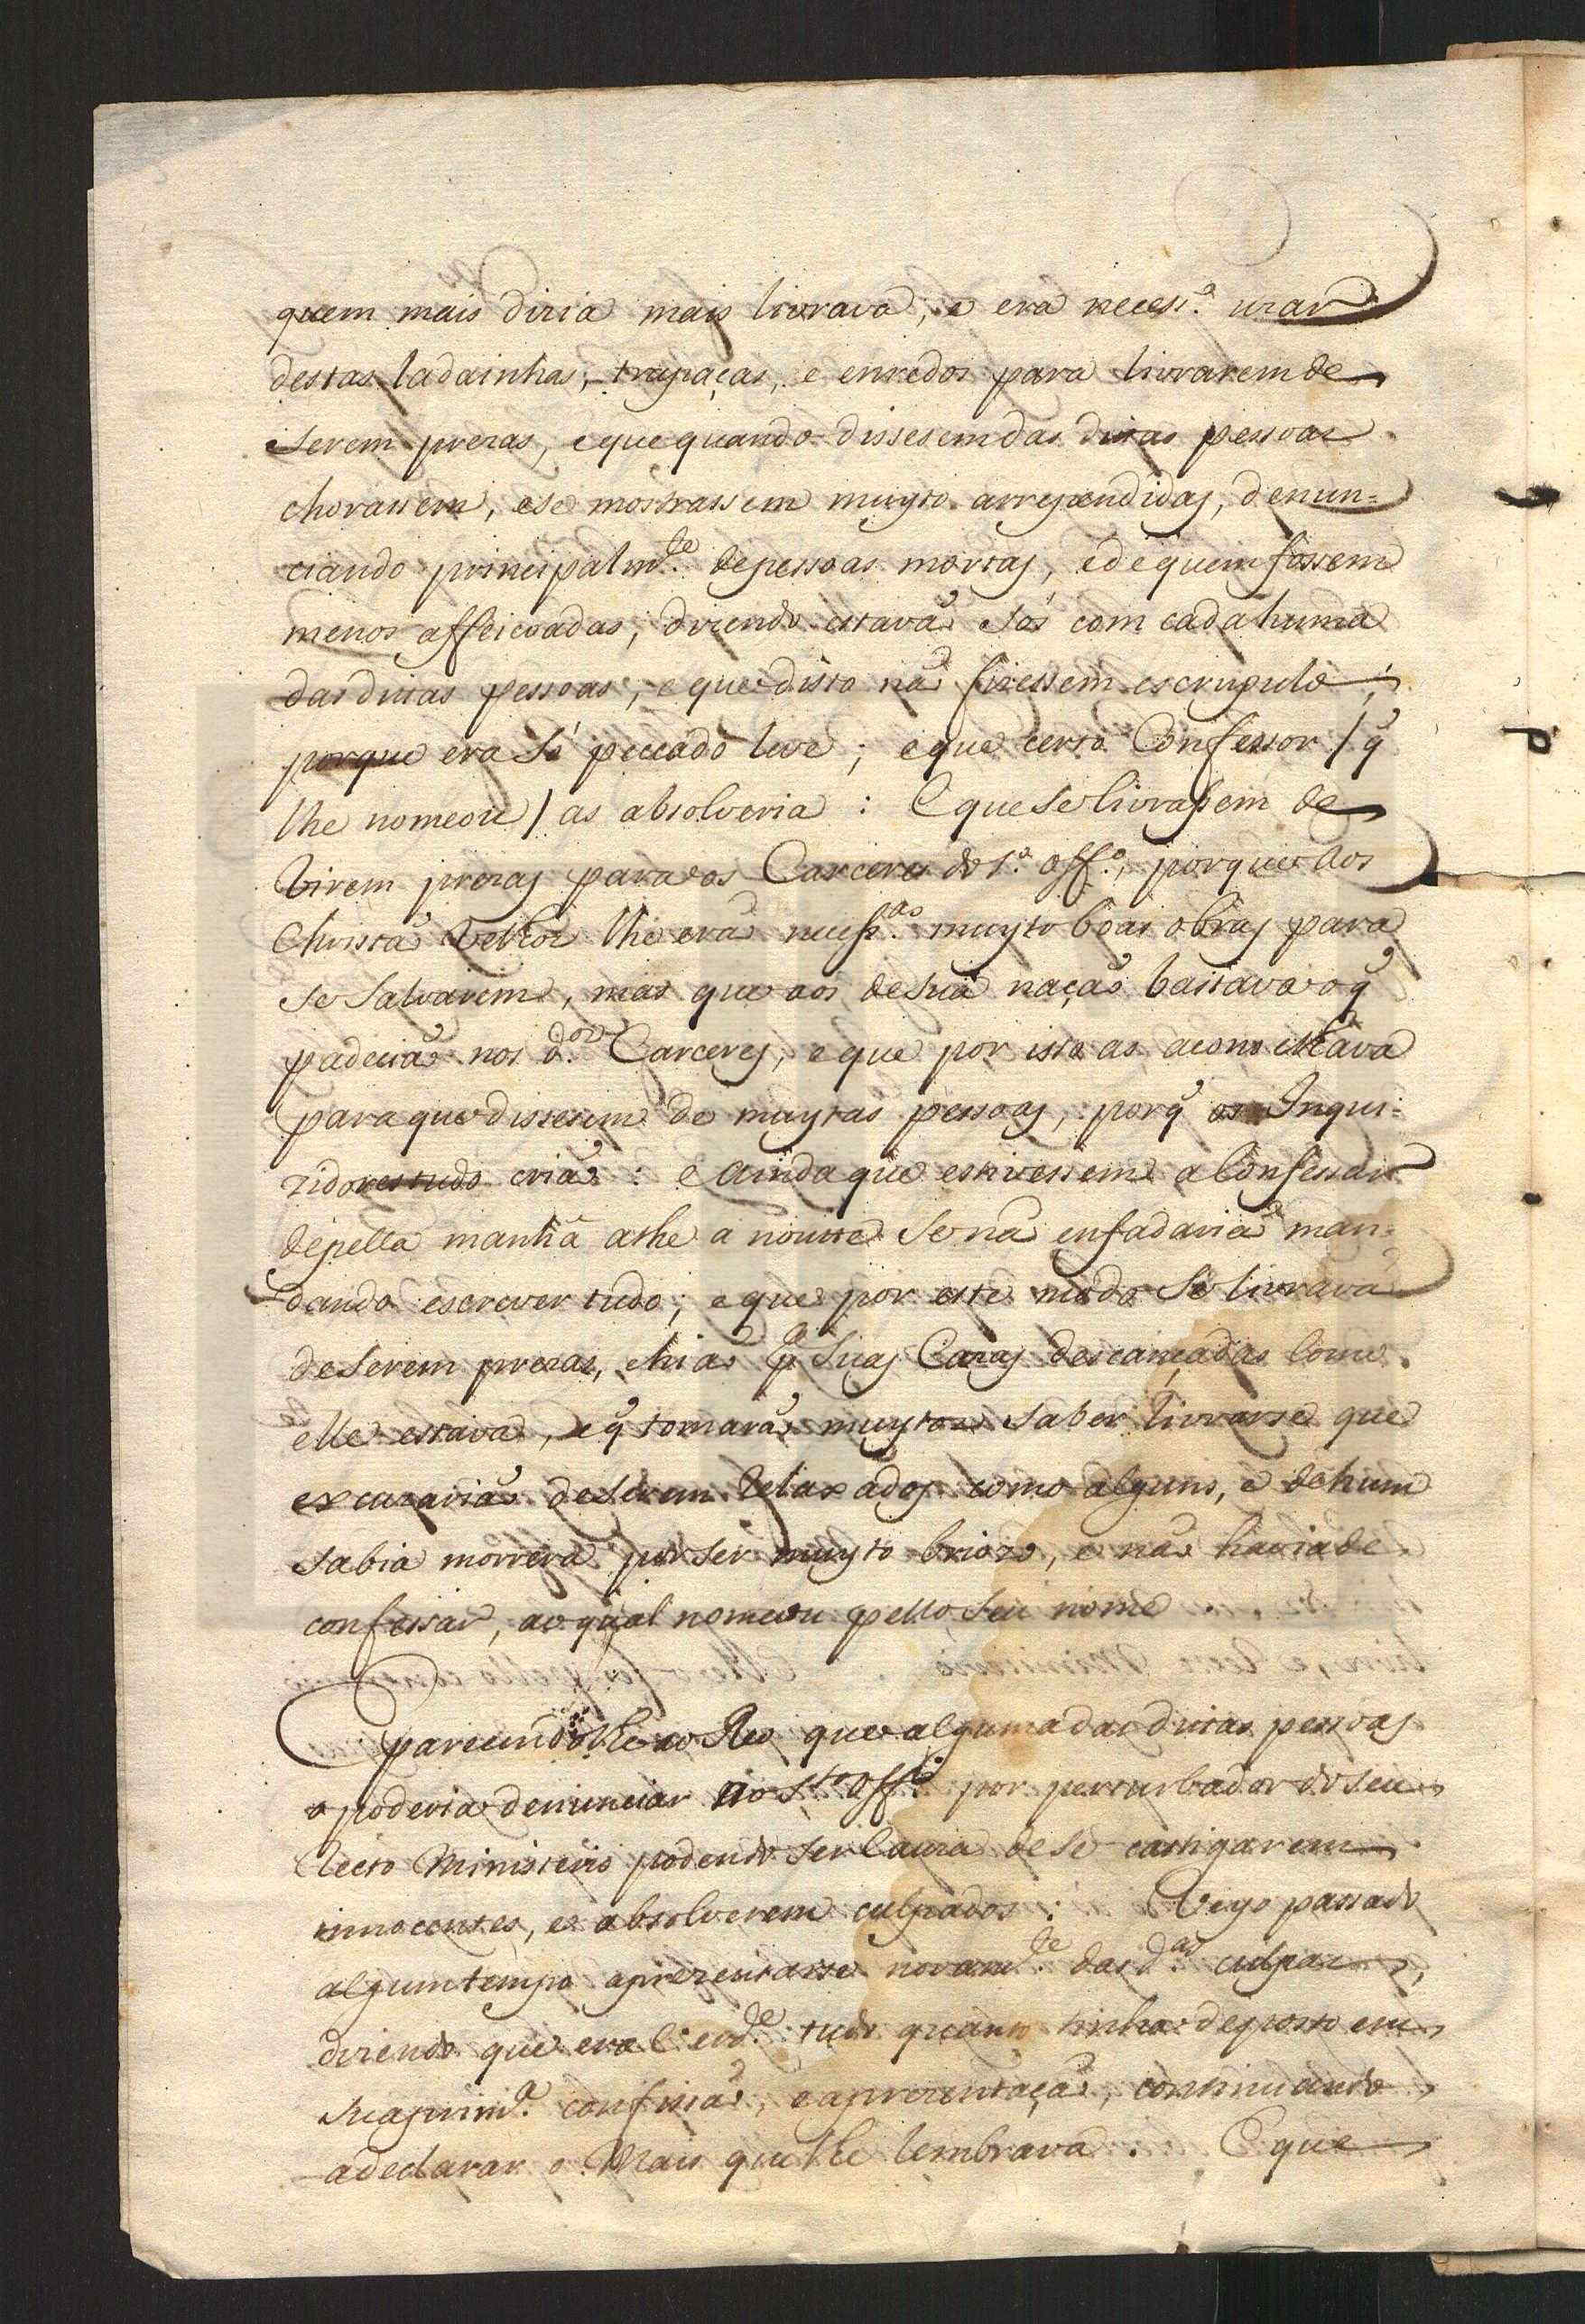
quem mais dizia mais livrava, e era necess.o uzar
destas ladainhas, trapaças, e enredos para livrarem de
serem prezas, e que quando dissesem das ditas pessoas
chorassem, e se mostrassem muyto arrependidas, denun
ciando principalm.te de pessoas mortas, e de quem fossem
menos affeicoadas, dizendo estavaõ sós com cada huma
das ditas pessoas, e que disto não fizessem escrupulo,
porque era Só peccado leve; e que certo Confessor / q̄
lhe nomeou / as absolveria: E que se livrassem de
virem prezas para os Carceres do S.o off.o, porque aos
christaõ velhos lhe erão necess.as muyto boas obras para
se salvarem, mas que aos de sua naçaõ bastava o q̄
padeciaõ nos d.os Carceres, e que por isto os aconselhava
para que dissesem de muytas pessoas, porq̄ os Inqui
zidores tudo crião: e ainda que estivessem a Confessar
de pella manha athe a noutte se não enfadavaõ man
dando escrever tudo; e que por este modo se livravaõ
de serem prezas, e hiaõ pa suas Cazas descançadas como
elle estava, e q̄ tomaraõ muytos saber livrarse que
excuzariaõ de serem Relaxados como alguns, e de hum
sabia morrera por ser muyto briozo, e não havia de
confessar, ao qual nomeou pello seu nome
E parecendolhe ao Reo que alguma das ditas pessoas
o poderia denunciar no S.to off.o por perturbador do seu
Recto ministerio podendo ser Cauza de se castigarem
innocentes, e absolverem culpados: Veyo passado
algum tempo aprezentarse novam.te das d.as culpas,
dizendo que era verd.e tudo quanto tinha deposto em
sua prim.a confissão, e aprezentaçaõ, continuando
a declarar o Mais que lhe lembrava.
E que
